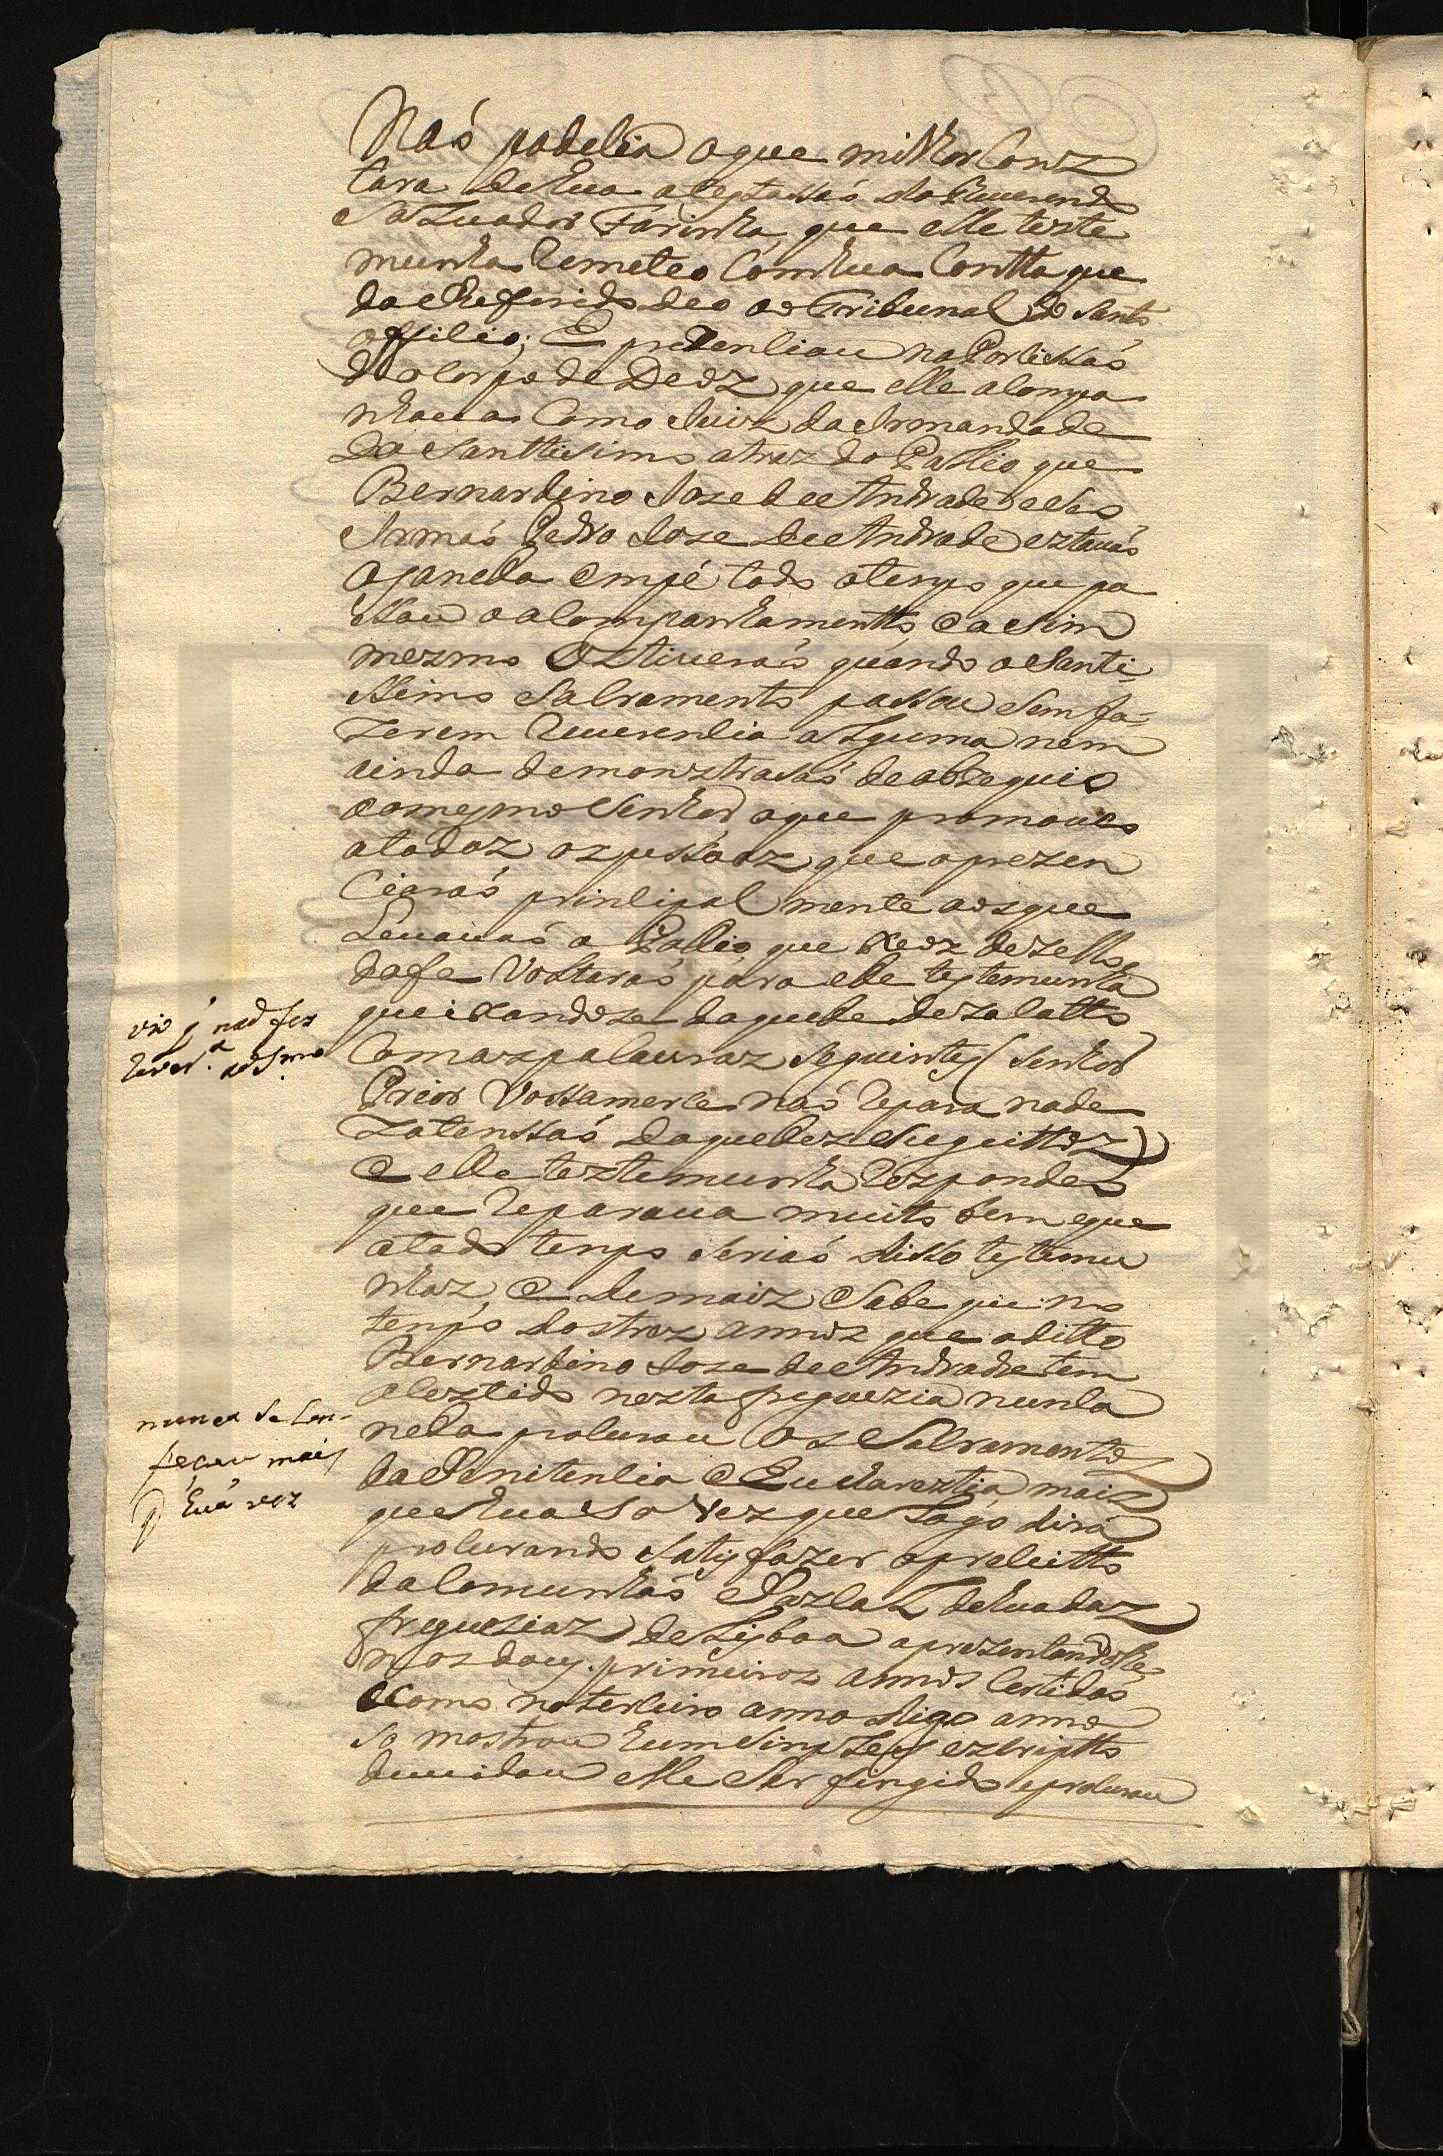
Naõ padecia o que milhor Conz
tara de hua atesttassaõ do Reuerendo
Saluador Farinha, que elle tezte
munha Remeteo com hua Contta que
do Referido deo ao Tribunal do santo
officio; E prezenciou na Porcissaõ
do corpo de Deoz que elle acompa
nhaua como Iuiz da Irmandade
do Santtissimo atraz do Pallio que
Bernardino Ioze de Andrade e seo
Irmaõ Pedro Ioze de Andrade eztauaõ
a janella em pé todo o tenpo que pa
ssou o acompanhamentto, e aSim
mezmo eztiueraõ quando o Santi
ssimo sacramento passou sem fa
Zerem Reuerencia alguma nem
ainda demonztrasaõ de obzequio
ao mesmo Senhor, o que promoueo
a todaz az pessoaz que o prezen
Ciaraõ principalmente aos que
Leuauaõ o Pallio, que xeoz de zello
da fe Voltaraõ para elle testemunha
queixandoze daquelle dezacatto
Com az palauraz seguintes (senhor
Prior Vossamerce naõ Repara na de
Zatenssaõ daquellez sugeittoz)
e elle teztemunha Rezpondeo
que Reparaua muito bem e que
a todo tenpo seriaõ disso testemu
nhaz, e ademaiz Sabe que no
tenpo dos trez annoz que o ditto
Bernardino Joze de Andrade tem
aceztido nezta freguezia nunca
nella procurou oz Sacramentoz
da Penitencia e Euchareztia, maiz
que hua So Vez que Logo dira
procurando satisfazer o preceitto
da Comunhaõ PazcaL de hua daz
fregueziaz de Lisboa aprezentandolhe
nos dous primeiroz annos certidaõ
e como no terceiro anno digo anno
so mostrou hum sinples ezcriptto
duuidou elle Ser fingido e procurou
vio q̄ naõ fez
Rever.a ao S.mo
nunca se Con
feçou mais
q̄ huā vez
